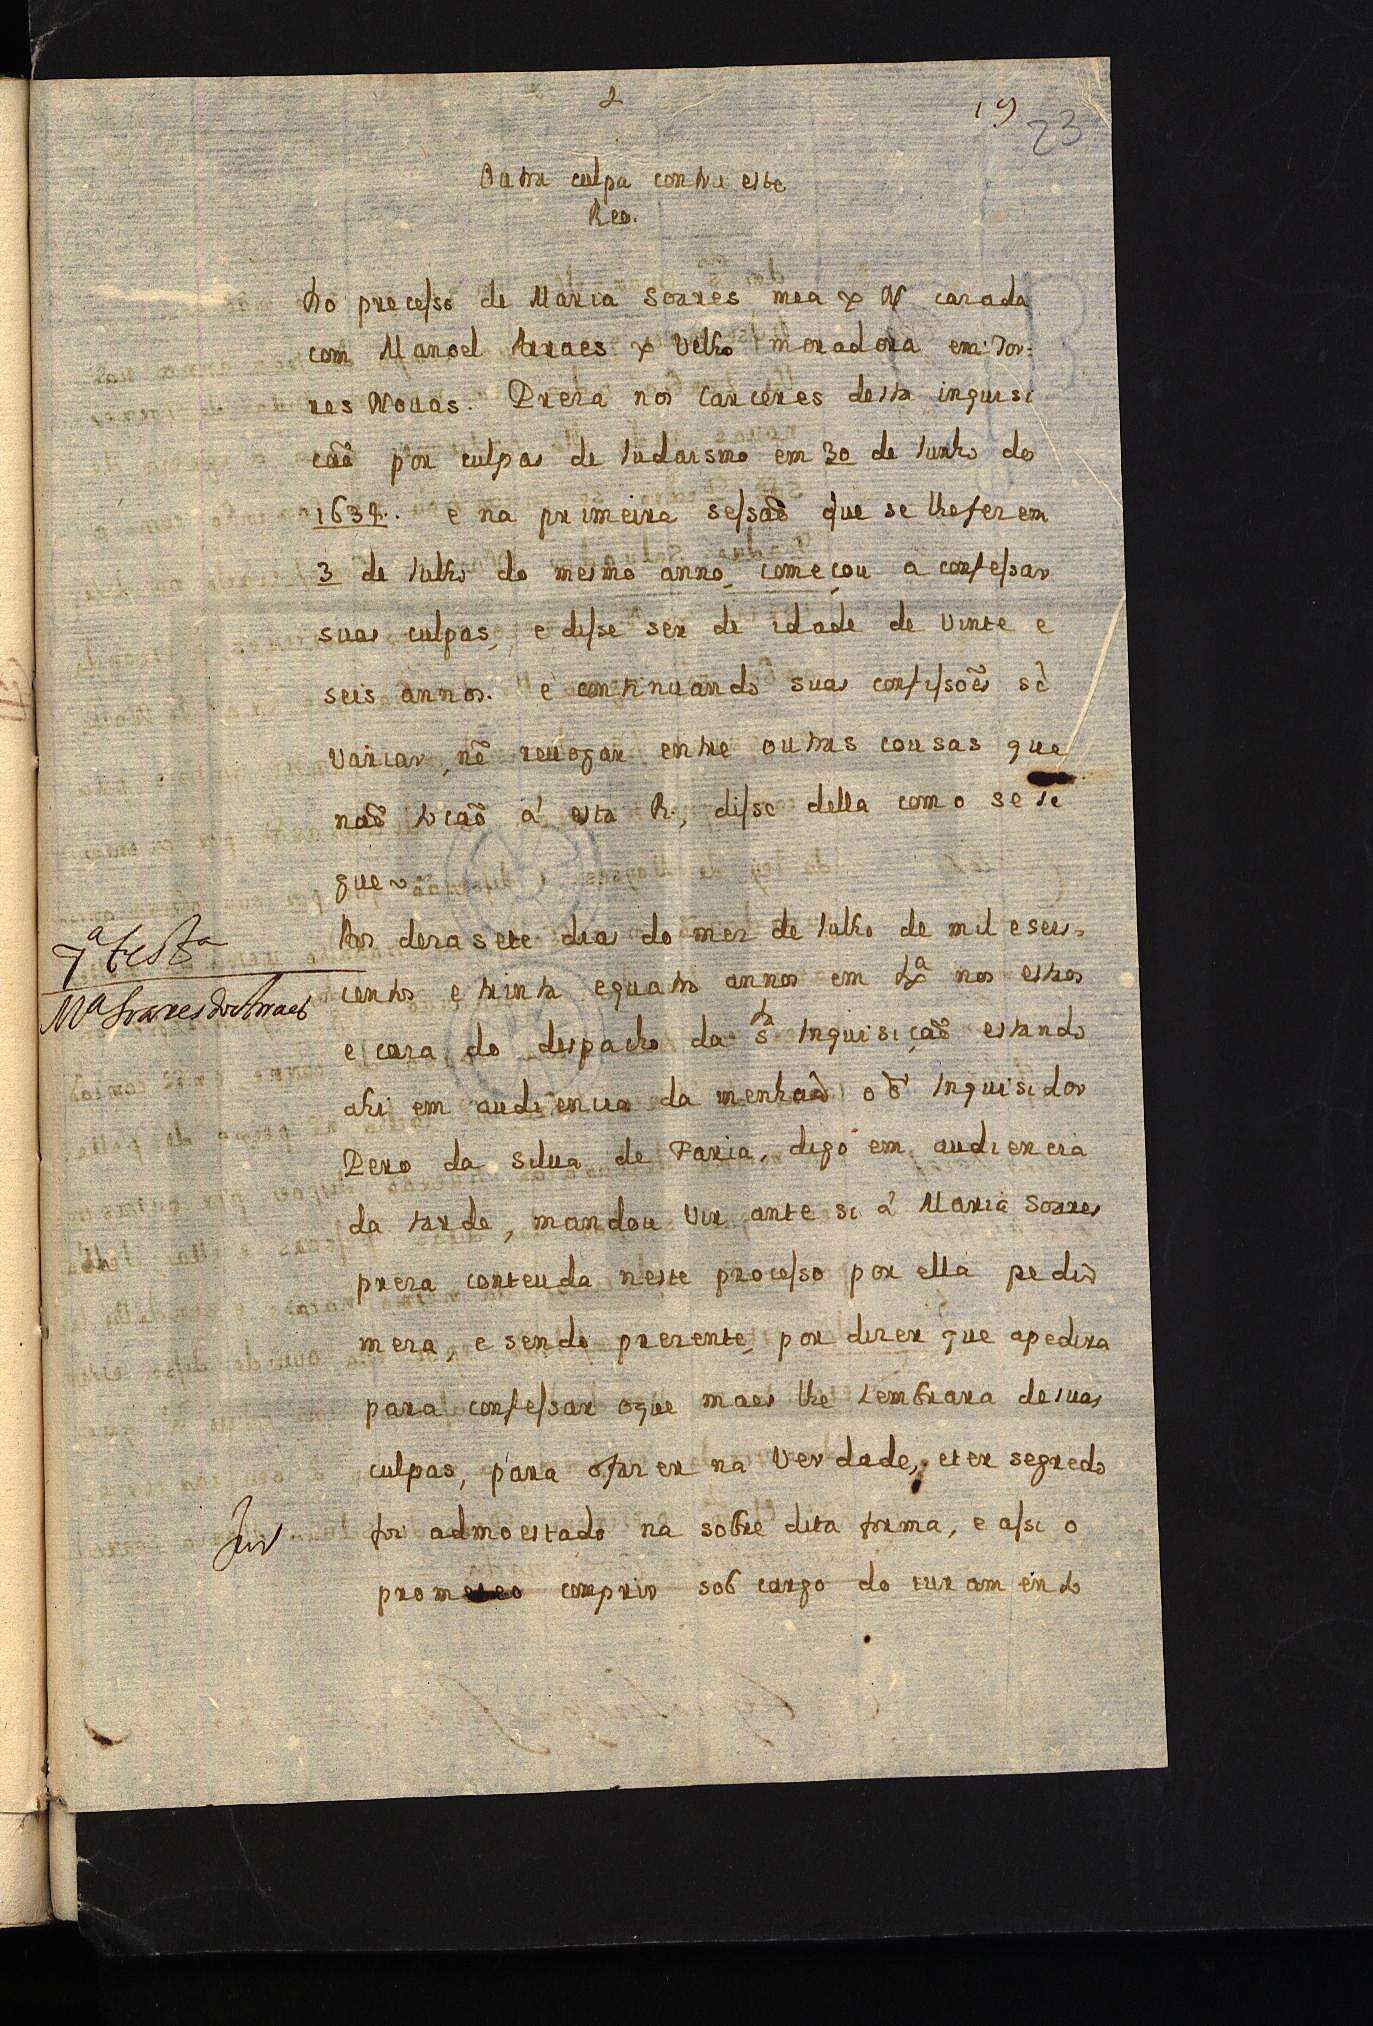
7a testa
Ma Soares do Arraes
Jur
Outra culpa contra este
Reo.
Do processo de Maria Soares mea x N cazada
com Manoel Arraes x Velho moradora em Tor
nes Nouas. Preza nos Carceres desta inquisi
caõ por culpas de Iudaismo em 30 de Iunho de
1634. e na primeira sessaõ que se lhe fez em
3 de Iulho do mesmo anno, começou a confessar
suas culpas, e disse ser de idade de vinte e
seis annos. e continuando suas confissoẽs sē
variar, nē reuogar entre outras cousas que
naõ tocaõ á esta R., disse della como se se
gue
Aos dezasete dias do mez de Iulho de mil e seis
centos e trinta e quatro annos em Lxa nos estaos
e caza do despacho da sta Inquisiçaõ estando
ahi em audiencia da menhaā o sor Inquisidor
Pero da Silua de Faria digo em audiencia
da tarde, mandou vir ante si á Maria Soares
preza conteuda neste processo por ella pedir
meza, e sendo prezente, por dizer que a pedira
para confessar o que maes lhe lembrara de suas
culpas, para o fazer na verdade, e ter segredo
foi admoestado na sobredita forma, e assi o
prometeo comprir sob cargo do iuramento
